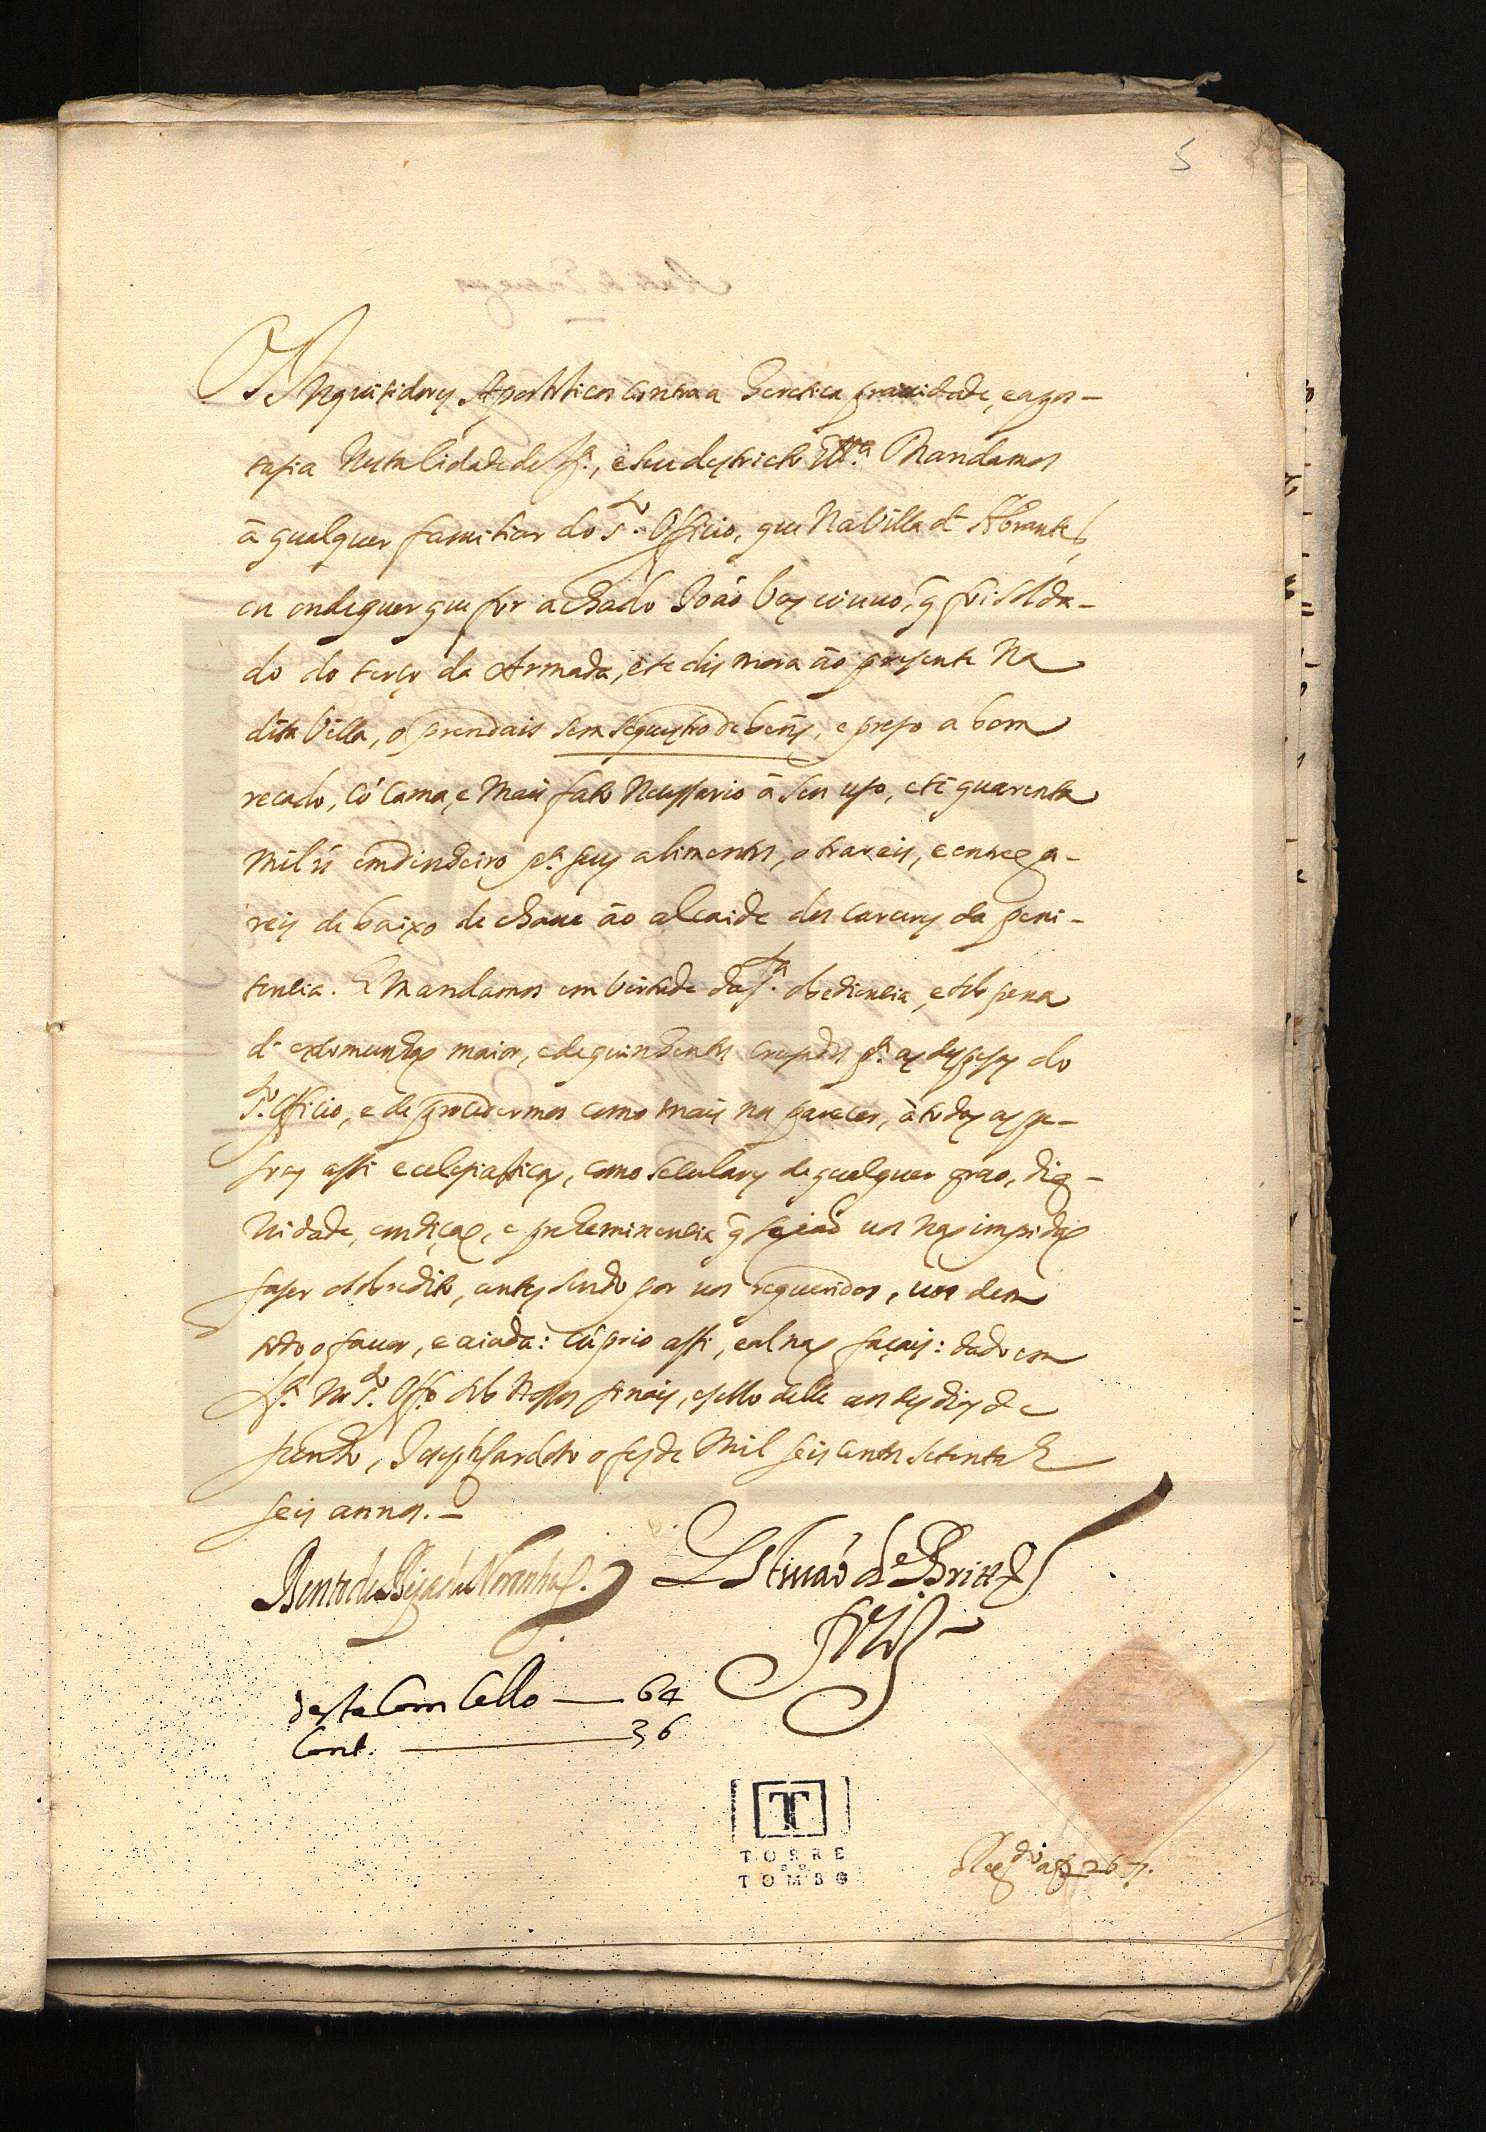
OS Inquisidores Apostolicos contra a heretica prauidade, e apos
tasia nesta Cidade de Lx.a, e seu destricto Ett.a Mandamos
á qualquer familiar do s.to Officio, que na Villa de Abrantes
ou onde quer que for achado Ioaõ Vaz uiuuo, q̄ foi solda
do do terço da Armada, e se dis mora ao presente na
dita Villa, o prendais sem sequestro de bens, e preso a bom
recado, cō cama, e mais fato necessario á seu uso, até quarenta
mil rs̄ em dinheiro p.a seus alimentos, o trareis, e entrega
reis debaixo de chaue áo alcaide dos carceres da peni
tencia. E mandamos em virtude da sta obediencia, e sob pena
d'excomunhaõ maior, e de quinhentos crusados p.a as despesas do
s.to Officio, e de procedermos como mais nos parecer, à todas as pe
soas assi ecclesiasticas, como seculares de qualquer grao, dig
nidade, condiçaõ, e preheminencia q̄ seiaõ uos naõ impidaõ
faser o sobredito, antes sendo por uos requeridos, uos dem
todo o fauor, e aiuda: cūprio assi, e al naõ façais: dado em
Lx.a no s.to Off.o sob nossos sinais, e sello delle aos des dias de
Junho, Ioseph Cardoso o fez de mil seiscentos setenta E
seis annos.
Bento de Beja de Noronha
Esteuaõ de Britt
froioz
desta Com Cello – 64
Cont. – 36
Reg.do a fl 267.
